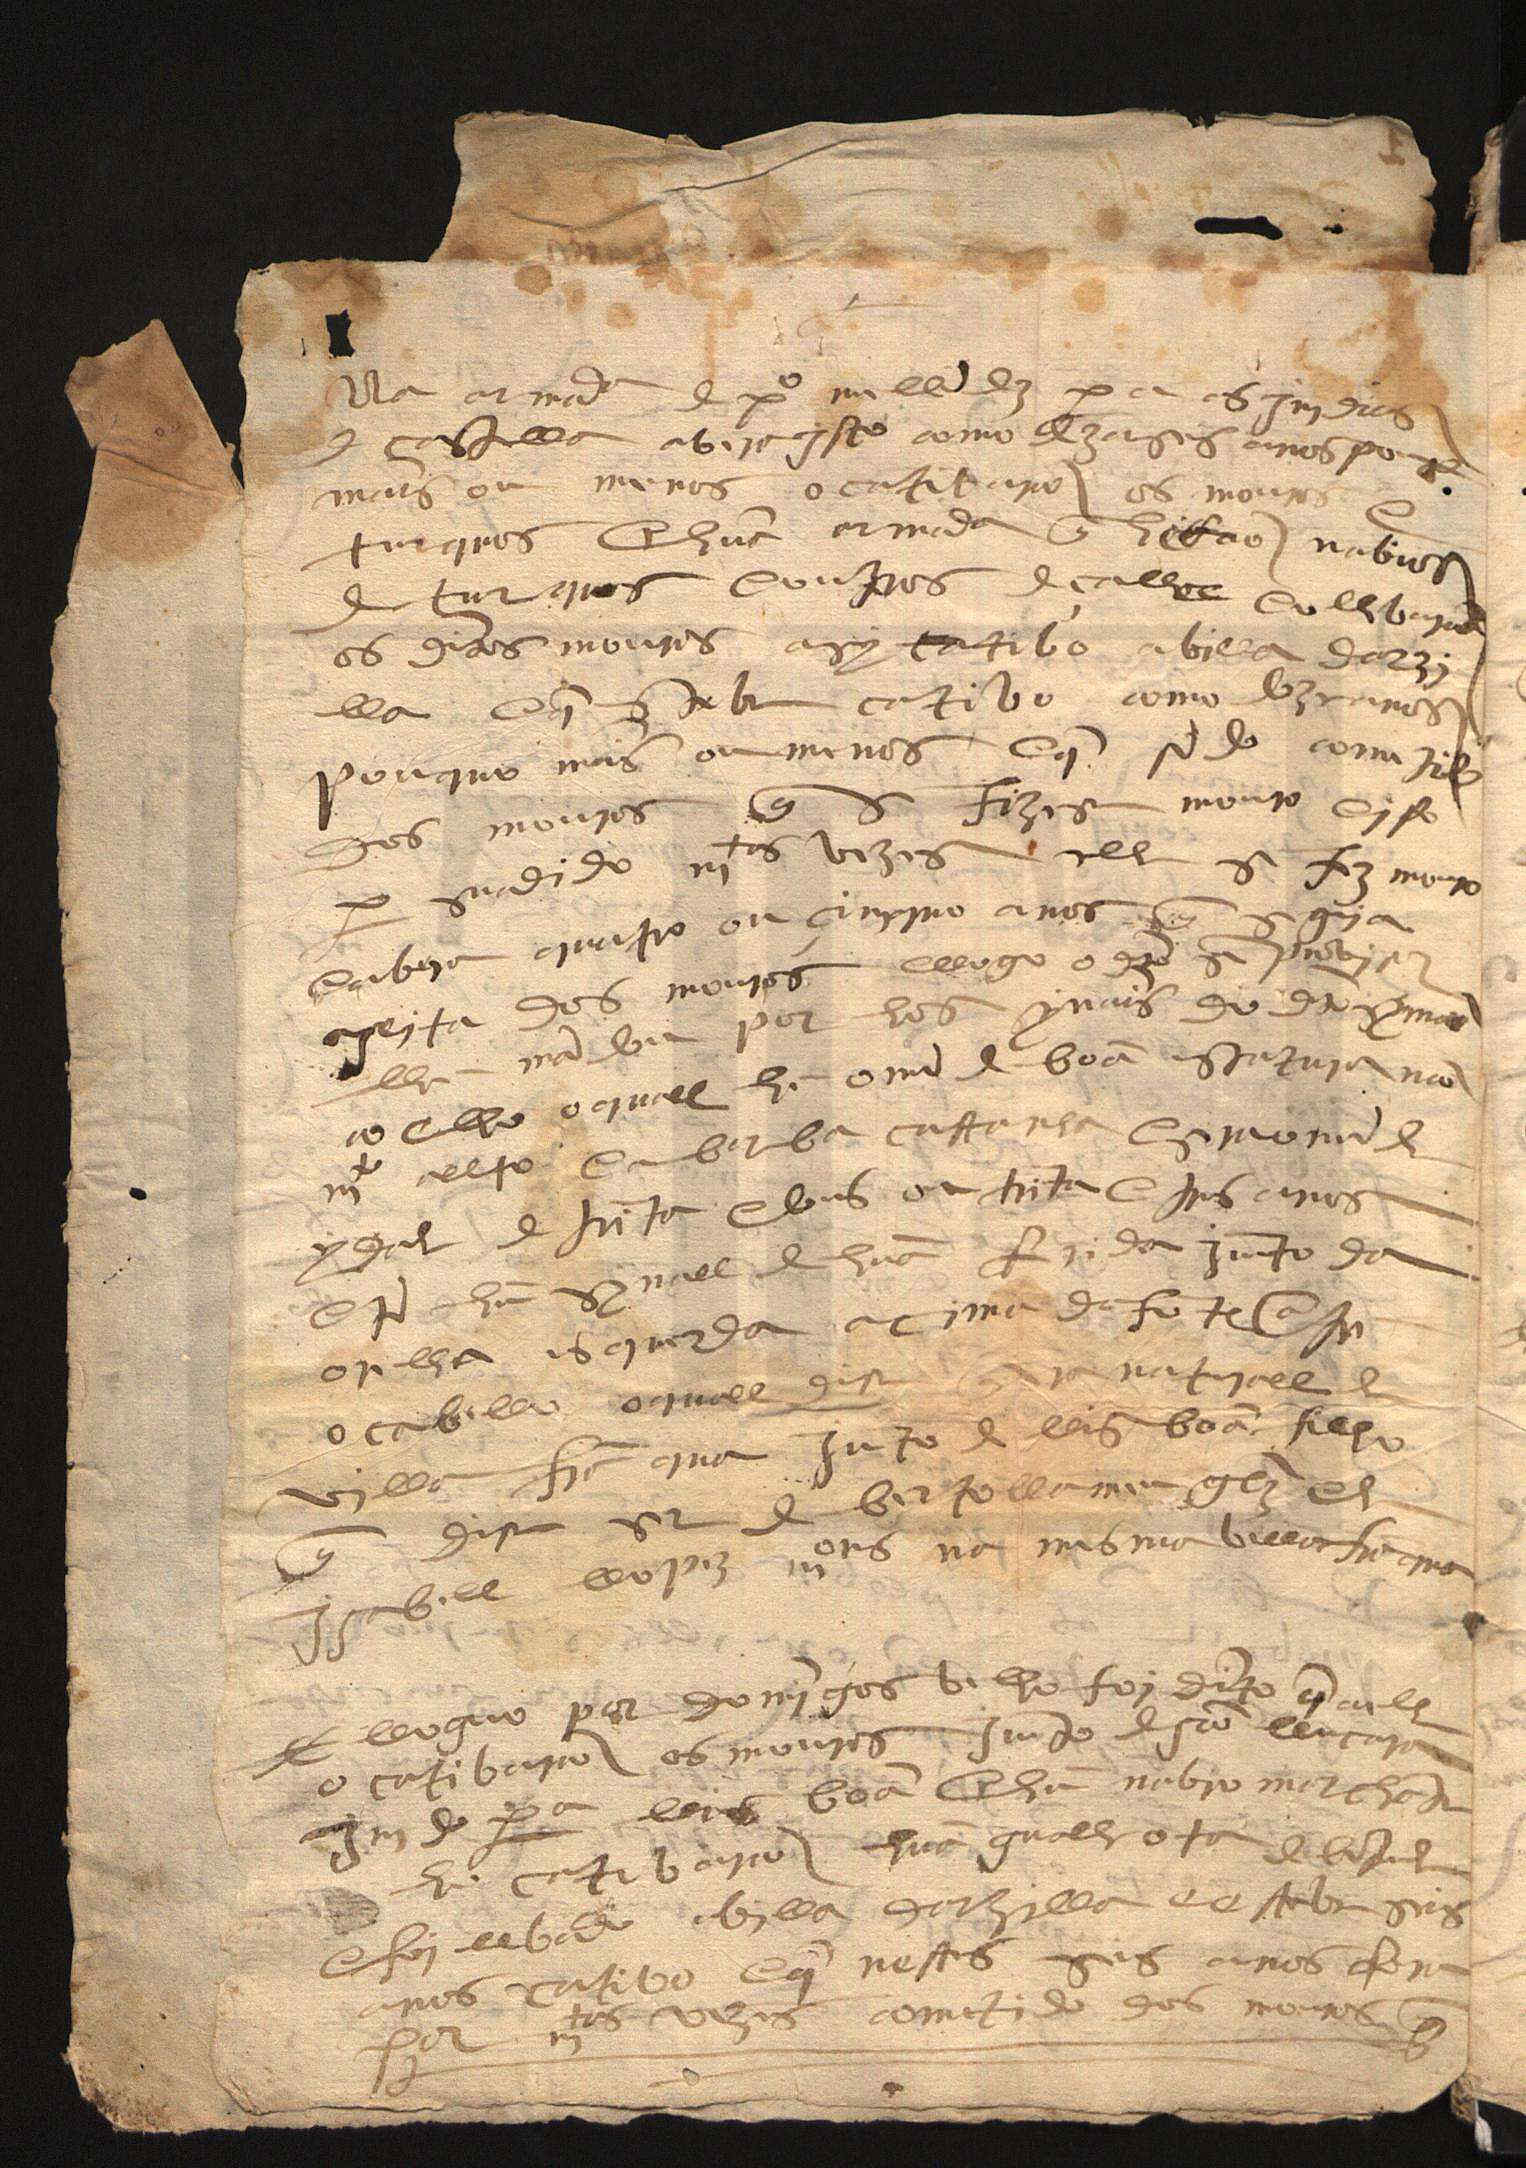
Na armada de po mellēdez ꝑa as Jmdias
de castella avera Jsto como dezaseis anos pouco
mais ou menos o cativaraõ os mouros e
turquos ē huā armada q̄ heRaõ navios
de turquos e outros de çallee e o llevaraõ
os ditos mouros asy cativo a villa darzj
lla e q̄ esteve cativo como doze anos
pouquo mais ou menos e q̄ sēdo cometido
dos mouros q̄ se fizera mouro e jsto
ꝑsuadido mtas vezes elle se fez mouro
e avera quatro ou çinquo anos q̄ seguia
a seita dos mouros e llogo o dtō sr̄ provisor
lhe mādou por hos synais do dito symaõ
coelho o quall he omē de boā estatura naõ
mto allto e a barba castanha e sera omē de
ydade de trīta e dous ou trīta e tres anos
e tē hū synall de huā ferida Jūto da
orelha esquerda acima da fōte ātre
o cabello o quall dise q̄ era naturall de
villa frāqua Jūto de llisboā filho
q̄ dise ser de bertollameu glz̄ e de
Jsabell llopez mores na mesma villa fraqua
E lloguo por domj̄gos velho foj dīto q̄ a elle
o cativaraõ os mouros Jūto de saõ llucara
Jmdo ꝑa llisboā ē hū navjo merchāte
hu cativaraõ huā gualleota de brtanha
e foj llvado a villa darzilla e esteve seis
anos cativo e q̄ nestes seis anos fora
por mtas vezes cometido dos mouros q̄
